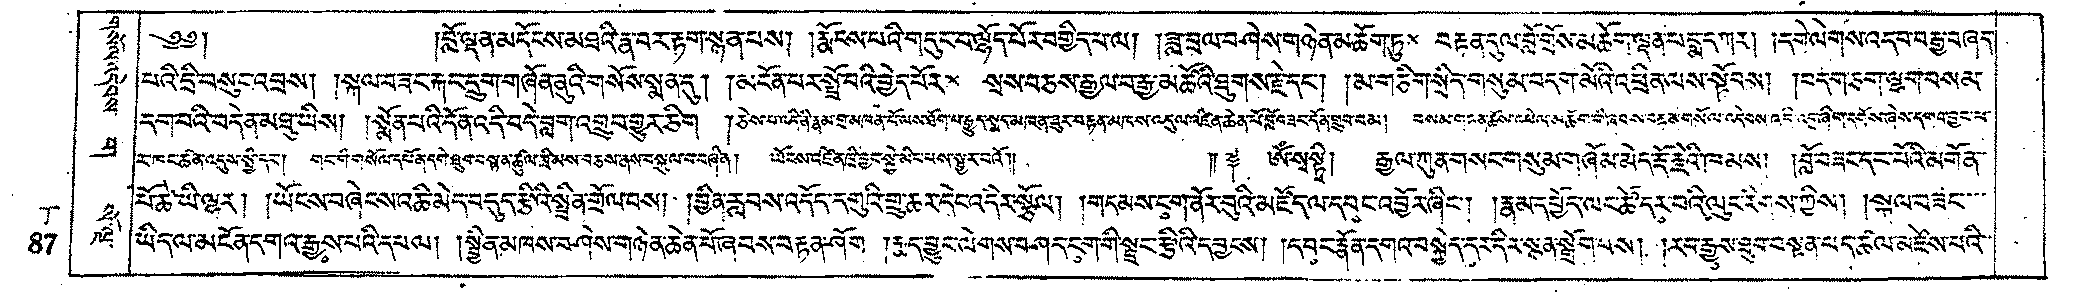༄༅། །བློ་ལྡན་མདོངས་མཐའི་རྣ་བར་བརྟག་སྙན་པས། །རྨོངས་པའི་གདུང་བ་ལྷོད་པོར་བགྱིད་པ་ལ། །ཟླ་བྲལ་བཤེས་གཉེན་མཆོག་ཏུ་྾་བརྟན་དུ་ལ་བློ་གྲོས་མཆོག་ལྡན་པདམ་དཀར། །དགེ་ལེགས་འདབ་བརྒྱ་བཞད་
པའི་དྲི་བསུང་འབྲས། །སྐལ་བཟང་རྐང་དྲུག་གཞོན་ནུའི་གསོལ་སྨན་དུ། །མངོན་པར་སྤྲོ་བའི་བྱེད་པོར་྾་སྲས་བཅས་རྒྱལ་བ་བརྒྱ་མཚོ་ཐུགས་རྗེ་དང་། མ་གཅིག་སྲིད་གསུམ་བདག་མོའི་འཕྲིན་ལས་སྟོབས། །བདག་ཅག་ལྷག་བསམ་
དག་པའི་བདེན་མཐུ་ཡིས། །སྨོན་པའི་དོན་འདི་བདེ་བླག་འགྲུབ་གྱུར་ཅིག །ཅེས་པ་འདི་ནི་རྣམ་གྲ་མཁན་པོ་ལས་ཐོག་པ་རྒྱུད་སྨད་ཟུར་བརྟན་མཁས་འདུལ་འཛིན་ཆེན་པོ་བློ་བཟང་དོན་གྲུབ་བམ། བསམ་གཏན་ཆོས་འཕེལ་མཆོག་གི་ཞབས་བརྟན་གསོལ་འདེབས་འདི་འདྲ་ཞིག་དགོས་ཞེས་དགའ་བྱང་ཕ་
ར་ཁང་ཚན་འདུས་སྤྱི་དང་། གང་གི་གསོལ་དཔོན་དགེ་ཐུབ་བསྟན་ཚུལ་ཁྲིམས་བཅས་ནས་བསྐུལ་བ་བཞིན། ཡོངས་འཛིན་ཁྲི་བྱང་སྐྱེ་མིང་པས་སྦྱར་བའོ།། །། འོཾ་སྭསྟྭི། རྒྱལ་ཀུན་གསང་གསུམ་གཞོམ་མེད་རྡོ་རྗེའི་ཁམས། །བློ་བཟང་དན་པོའི་མགོན་་་
པོ་ཆེ་ཡི་ལྟར། །ཡོངས་བཞེངས་འཆི་མེད་བདུད་རྩིའི་སྤྲིན་གྲོལ་བས། །བྱིན་རླབས་འདོད་དགུའི་གྲུ་ཆར་འདིར་སྩོལ། །གདམས་ངག྾་ནོར་བུའི་མཛོད་ལ་དབང྾་འབྱོར་ཞིང་། །རྣམ་དཔྱོད་ལང་ཚོ་དར྾་བའི་ལུང་རིག་སྐྱིས། །སྐལ་བཟང་་་
ཡིད་ལ་མངོན་དགའ་རྒྱས྾་པའི་དཔལ། །སྤྱིན་མཁས་བཤེས་གཉེན་ཆེན་པོ་ཞབས་བསྟན་ཤོག །རྨད་བྱུང་ལེགས་བཤད྾་ངག྾་གི་སྦྲང་རྩིའི་དབྱངས། །དབང྾་རྣོན་དགའ་བསྐྱེད་དར་འདིར་སྙན་སྒྲོག་པས། །རབ་རྒྱུས་ཐུབ་བསྟན་པད་ཚལ་མཛེས་པའི་་་